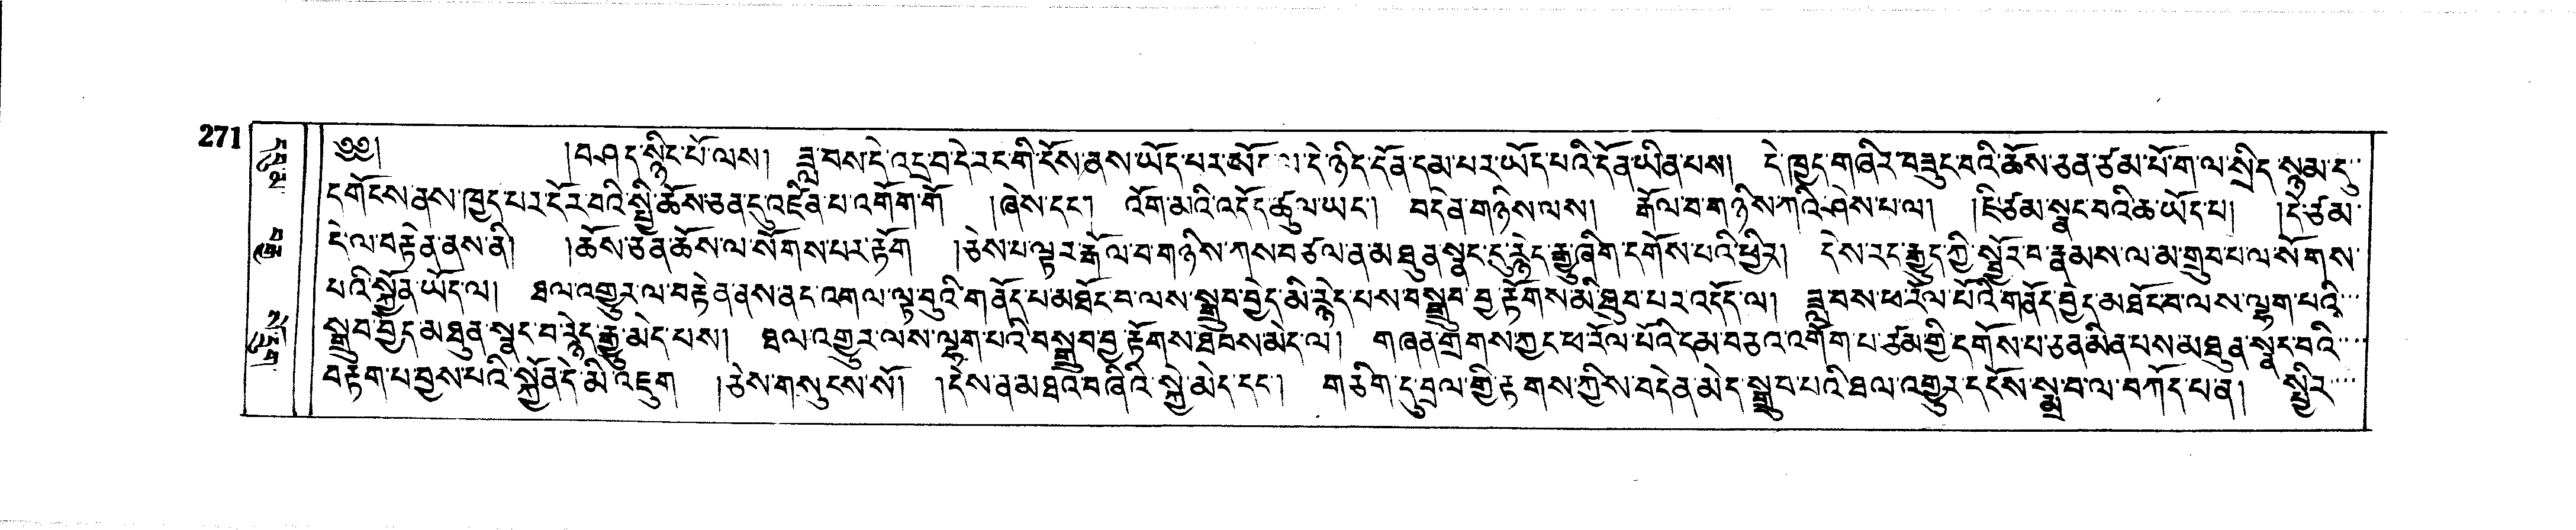༄༅། །བཤད་སྙིང་པོ་ལས། ཟླ་བས་དེ་འདྲ་བ་དེ་རང་གི་ངོས་ནས་ཡོད་པར་སོང་ལ་དེ་ཉིད་དོན་དམ་པར་ཡོད་པའི་དོན་ཡིན་པས། དེ་ཁྱད་གཞིར་བཟུང་བའི་ཆོས་ཅན་ཙམ་པོ་ག་ལ་སྲིད་སྙམ་དུ་
དགོངས་ནས་ཁྱད་པར་དོར་བའི་སྤྱི་ཆོས་ཅན་དུ་འཛིན་པ་འགོག་གོ །ཞེས་དང་། འོག་མའི་འདོད་ཚུལ་ཡང་། བདེན་གཉིས་ལས། རྒོལ་བ་གཉིས་ཀའི་ཤེས་པ་ལ། །ཇི་ཙམ་སྣང་བའི་ཆ་ཡོད་པ། །དེ་ཙམ་
དེ་ལ་བརྟེན་ནས་ནི། །ཆོས་ཅན་ཆོས་ལ་སོགས་པར་རྟོག །ཅེས་པ་ལྟར་རྒོལ་བ་གཉིས་ཀས་བཙལ་ན་མཐུན་སྣང་དུ་རྙེད་རྒྱུ་ཞིག་དགོས་པའི་ཕྱིར། དེས་རང་རྒྱུད་ཀྱི་སྦྱོར་བ་རྣམས་ལ་མ་གྲུབ་པ་ལ་སོགས་
པའི་སྐྱོན་ཡོད་ལ། ཐལ་འགྱུར་ལ་བརྟེན་ནས་ནང་འགལ་ལྟ་བུའི་གནོད་པ་མཐོང་བ་ལས་སྒྲུབ་བྱེད་མི་རྙེད་པས་བསྒྲུབ་བྱ་རྟོགས་མི་ཐུབ་པར་འདོད་ལ། ཟླ་བས་ཕ་རོལ་པོའི་གནོད་བྱེད་མཐོང་བ་ལས་ལྷག་པའི་
སྒྲུབ་བྱེད་མཐུན་སྣང་བ་རྙེད་རྒྱུ་མེད་པས། ཐལ་འགྱུར་ལས་ལྷག་པའི་བསྒྲུབ་བྱ་རྟོགས་ཐབས་མེད་ལ། གཞན་གྲགས་ཀྱང་ཕ་རོལ་པོའི་དམ་བཅའ་འགོག་པ་ཙམ་གྱི་དགོས་པ་ཅན་མིན་པས་མཐུན་སྣང་བའི་
བརྟག་པ་བྱས་པའི་སྐྱོན་དེ་མི་འཇུག །ཅེས་གསུངས་སོ། །དེས་ན་མཐའ་བཞིའི་སྐྱེ་མེད་དང་། གཅིག་དུ་བྲལ་གྱི་རྟགས་ཀྱིས་བདེན་མེད་སྒྲུབ་པའི་ཐལ་འགྱུར་དངོས་སྨྲ་བ་ལ་བཀོད་པ་ན། སྤྱིར་